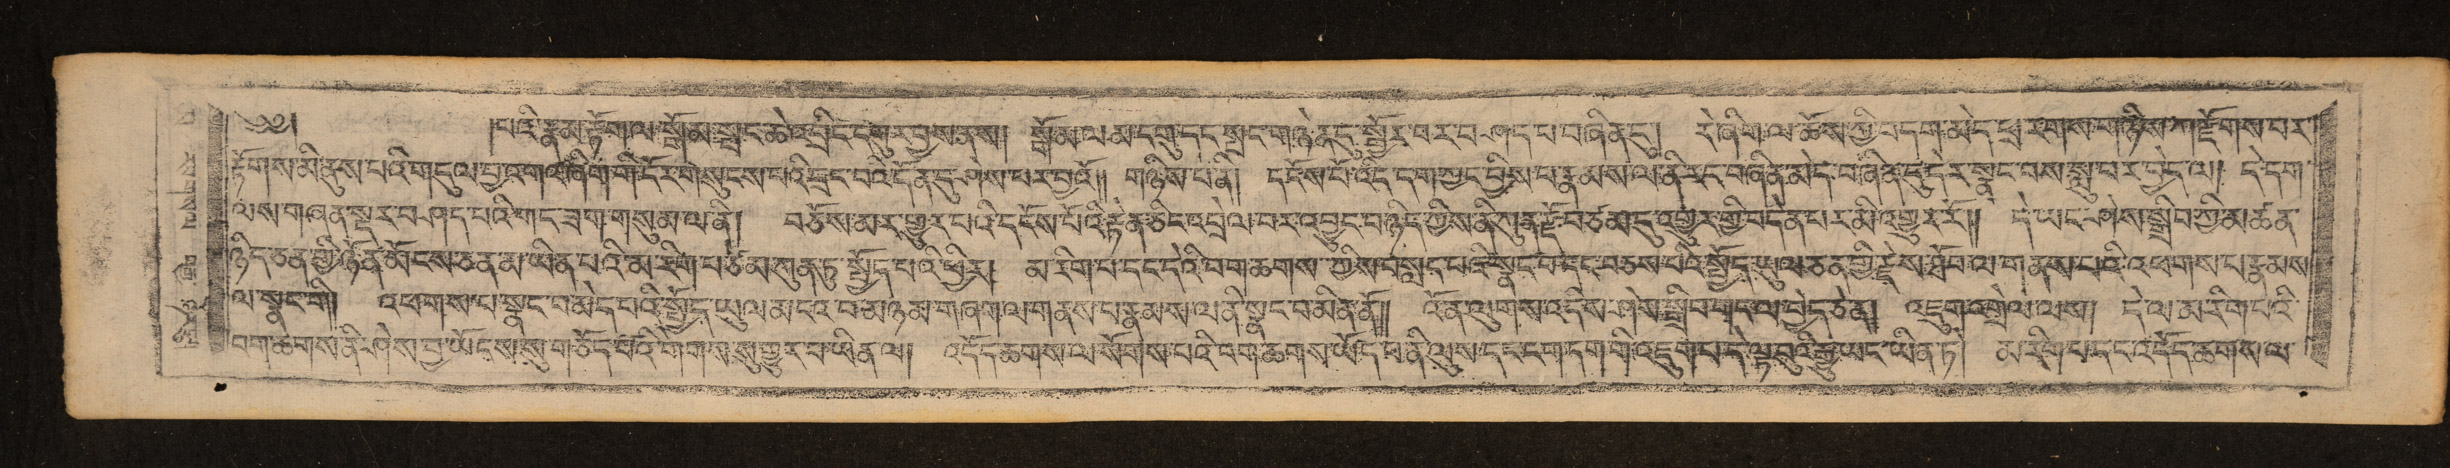༄༅། །པའི་རྣམ་རྟོག་ལ་སྒོམ་སྤང་ཆེ་འབྲིང་དགུར་བྱས་ནས། སྒོམ་ལམ་དགུ་དང་སྤང་གཉེན་དུ་སྦྱོར་བར་བཤད་པ་བཞིན་དུ། རེ་ཞིག་ལ་ཆོས་ཀྱི་བདག་མེད་ཕྲ་རགས་གཉིས་ཀ་རྫོགས་པར་
རྟོགས་མི་ནུས་པའི་གདུལ་བྱ་འགའ་ཞིག་གི་ངོར་གསུངས་པའི་དྲང་པའི་དོན་དུ་ཤེས་པར་བྱའོ།། གཉིས་པ་ནི། དངོས་པོ་འདི་དག་ཀྱང་བྱིས་པ་རྣམས་ལ་ནི་རང་བཞིན་མེད་བཞིན་དུ་དེར་སྣང་བས་སླུ་བར་བྱེད་ལ། དེ་དག་
ལས་གཞན་སྔར་བཤད་པའི་གང་ཟག་གསུམ་ལ་ནི། བཅོས་མར་གྱུར་པའི་དངོས་པོའི་རྟེན་ཅིང་འབྲེལ་བར་འབྱུང་བ་ཉིད་ཀྱིས་ནི་ཀུན་རྫོབ་ཙམ་དུ་འགྱུར་གྱི་བདེན་པར་མི་འགྱུར་རོ།། དེ་ཡང་ཤེས་སྒྲིབ་ཀྱི་མཚན་
ཉིད་ཅན་གྱི་ཉོན་མོངས་ཅན་མ་ཡིན་པའི་མ་རིག་པ་ཙམ་ཀུན་ཏུ་སྤྱོད་པའི་ཕྱིར། མ་རིག་པ་དང་དེའི་བག་ཆགས་ཀྱིས་བསླད་པའི་སྣང་བ་དང་བཅས་པའི་སྤྱོད་ཡུལ་ཅན་གྱི་རྗེས་ཐོབ་ལ་གནས་པའི་འཕགས་པ་རྣམས་
ལ་སྣང་གི། འཕགས་པ་སྣང་བ་མེད་པའི་སྤྱོད་ཡུལ་མངའ་བ་མཉམ་གཞག་ལ་གནས་པ་རྣམས་ལ་ནི་སྣང་བ་མིན་ནོ།། འོ་ན་ལུགས་འདིས་ཤེས་སྒྲིབ་གང་ལ་བྱེད་ཅེ་ན། འཇུག་འགྲེལ་ལས། དེ་ལ་མ་རིག་པའི་
བག་ཆགས་ནི་ཤེས་བྱ་ཡོངས་སུ་གཅོད་པའི་གེགས་སུ་གྱུར་པ་ཡིན་ལ། འདོད་ཆགས་ལ་སོགས་པའི་བག་ཆགས་ཡོད་པ་ནི་ལུས་དང་ངག་དག་གི་འཇུག་པ་དེ་ལྟ་བུའི་རྒྱུ་ཡང་ཡིན་ཏེ། མ་རིག་པ་དང་འདོད་ཆགས་ལ་